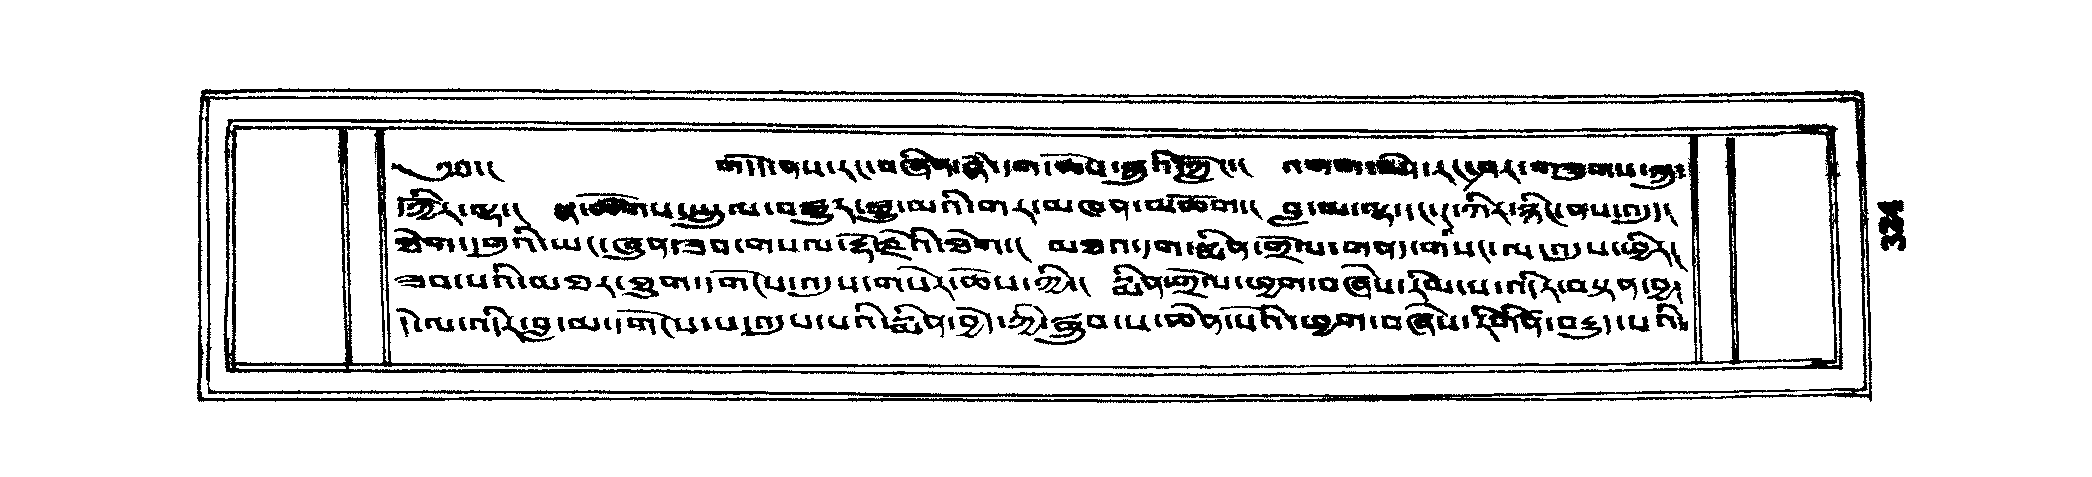གདོད་ནས་རང་བཞིན་རྣམ་དག་ཆོས་སྐུའི་ཀློང་། །འགག་མེད་རང་ཤར་གཟུགས་སྐུ་
དཀྱིལ་འཁོར་ལྷ། །སྣ་ཚོགས་སྤྲུལ་བསྒྱུར་སྒྱུ་མའི་གར་མཁན་མཆོག་བླ་མ་ལྷ་དང་ཌཱ་ཀིར་སྙིང་ནས་འདུད། །
ཐེག་དགུའི་ཡང་ཞུན་ཟབ་གསལ་རྡོ་རྗེའི་ཐེག་།མཐའ་དག་སྨིན་གྲོལ་གནད་གསང་ལ་འདུས་ཕྱིར། །
ཟབ་པའི་མཐར་ཐུག་དགོངས་འདུས་གསེར་ཆོས་ཀྱི། །སྨིན་གྲོལ་ཕྱག་བཞེས་རིམ་པ་འདིར་བསྟན་བྱ། །
དེ་ལ་འདིར་བླ་མ་དགོངས་པ་འདུས་པའི་སྨིན་བྱེད་ཀྱི་སྒྲུབ་པ་ཆེན་པོའི་ཕྱག་བཞེས་རིག་འཛིན་བརྒྱུད་པའི་